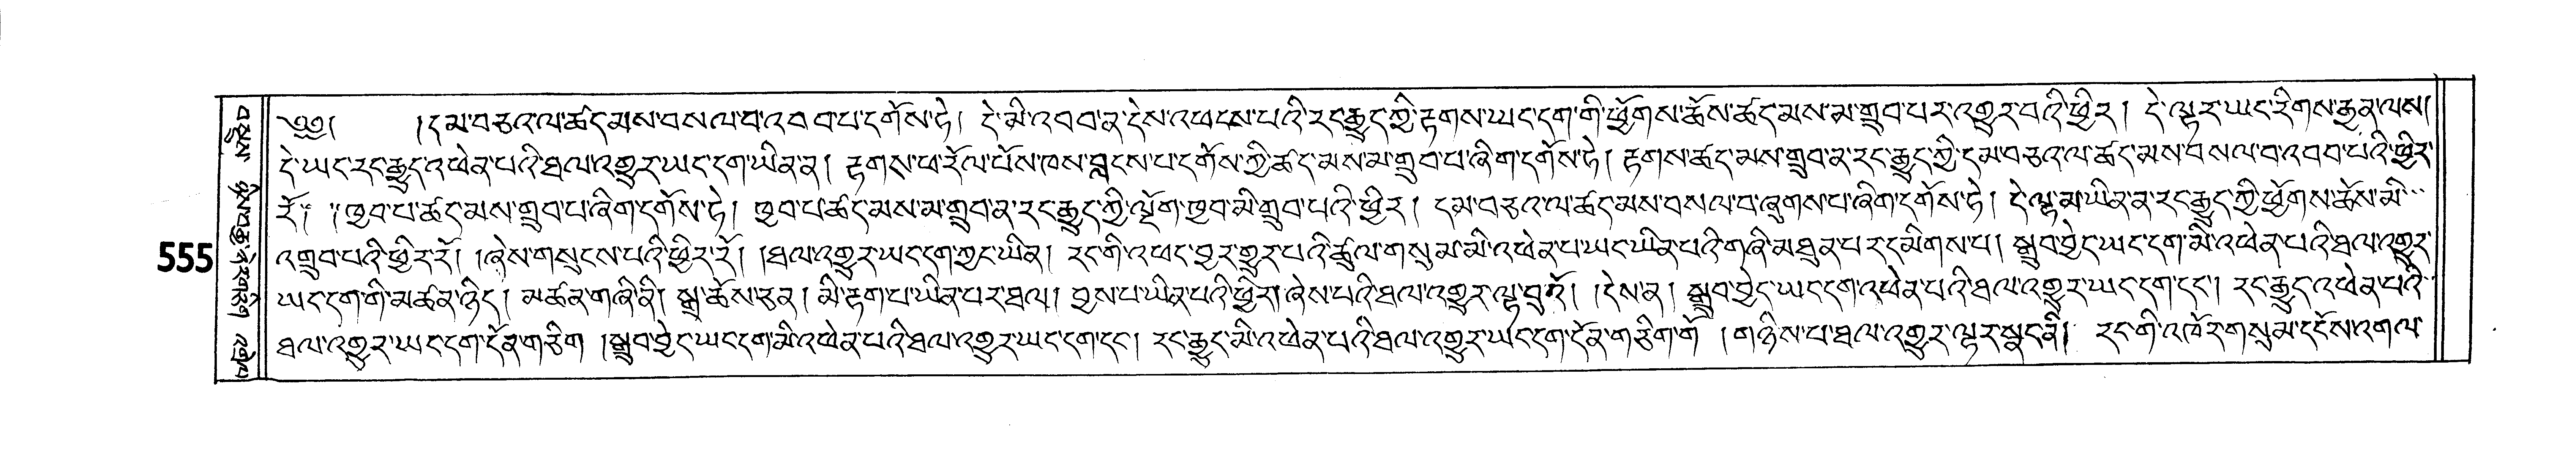༄༅། །དམ་བཅའ་ལ་ཚད་མས་བསལ་བ་འབབ་པ་དགོས་ཏེ། དེ་མི་འབབ་ན་དེས་འཕངས་པའི་རང་རྒྱུད་ཀྱི་རྟགས་ཡང་དག་གི་ཕྱོགས་ཆོས་ཚད་མས་མ་གྲུབ་པར་འགྱུར་བའི་ཕྱིར། དེ་ལྟར་ཡང་རིགས་རྒྱན་ལས།
དེ་ཡང་རང་རྒྱུད་འཕེན་པའི་ཐལ་འགྱུར་ཡང་དག་ཡིན་ན། རྟགས་ཕ་རོལ་པོས་ཁས་བླངས་པ་དགོས་ཀྱི་ཚད་མས་མ་གྲུབ་པ་ཞིག་དགོས་ཏེ། རྟགས་ཚད་མས་གྲུབ་ན་རང་རྒྱུད་ཀྱི་དམ་བཅའ་ལ་ཚད་མས་བསལ་བ་འབབ་པའི་ཕྱིར་
རོ༑ ༑ཁྱབ་པ་ཚད་མས་གྲུབ་པ་ཞིག་དགོས་ཏེ། ཁྱབ་པ་ཚད་མས་མ་གྲུབ་ན་རང་རྒྱུད་ཀྱི་ལྡོག་ཁྱབ་མི་གྲུབ་པའི་ཕྱིར། དམ་བཅའ་ལ་ཚད་མས་བསལ་བ་ཞུགས་པ་ཞིག་དགོས་ཏེ། དེ་ལྟ་མ་ཡིན་ན་རང་རྒྱུད་ཀྱི་ཕྱོགས་ཆོས་མི་
འགྲུབ་པའི་ཕྱིར་རོ། །ཞེས་གསུངས་པའི་ཕྱིར་རོ། །ཐལ་འགྱུར་ཡང་དག་ཀྱང་ཡིན། རང་གི་འཕང་བྱར་གྱུར་པའི་ཚུལ་གསུམ་མི་འཕེན་པ་ཡང་ཡིན་པའི་གཞི་མཐུན་པར་དམིགས་པ། སྒྲུབ་བྱེད་ཡང་དག་མི་འཕེན་པའི་ཐལ་འགྱུར་
ཡང་དག་གི་མཚན་ཉིད། མཚན་གཞི་ནི། སྒྲ་ཆོས་ཅན། མི་རྟག་པ་ཡིན་པར་ཐལ། བྱས་པ་ཡིན་པའི་ཕྱིར། ཞེས་པའི་ཐལ་འགྱུར་ལྟ་བུའོ། །དེས་ན། སྒྲུབ་བྱེད་ཡང་དག་འཕེན་པའི་ཐལ་འགྱུར་ཡང་དག་དང་། རང་རྒྱུད་འཕེན་པའི་
ཐལ་འགྱུར་ཡང་དག་དོན་གཅིག །སྒྲུབ་བྱེད་ཡང་དག་མི་འཕེན་པའི་ཐལ་འགྱུར་ཡང་དག་དང་། རང་རྒྱུད་མི་འཕེན་པའི་ཐལ་འགྱུར་ཡང་དག་དོན་གཅིག་གོ །གཉིས་པ་ཐལ་འགྱུར་ལྷར་སྣང་ནི། རང་གི་འཁོར་གསུམ་དངོས་འགལ་